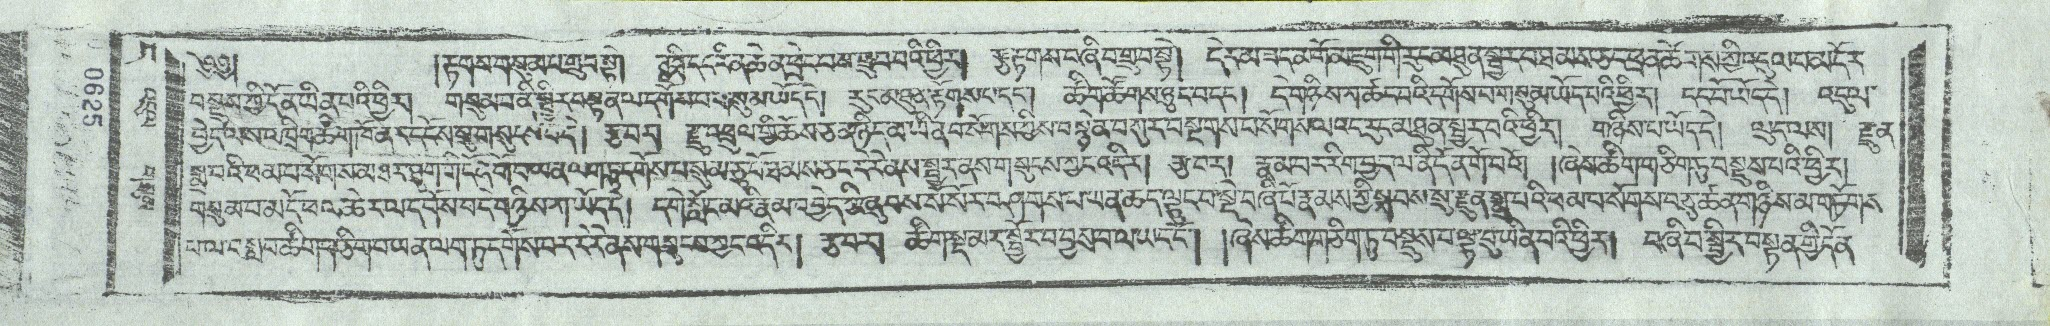༄༅། །རྟགས་གསུམ་པ་གྲུབ་སྟེ། ཊཱིཀྐ་དང་རིན་ཆེན་ཕྲེང་བས་གྲུབ་པའི་ཕྱིར། རྩ་རྟགས་བཞི་པ་གྲུབ་སྟེ། དེར་མ་ཟད་མགོ་མཇུག་གི་རུང་མཐུན་སྦྱར་བ་ཐམས་ཅད་ཕྲན་ཚེགས་ཀྱི་འདུལ་བ་མདོར་
བསྡུས་ཀྱི་དོན་ཡིན་པའི་ཕྱིར། གསུམ་པ་ནི་སྤྱིར་བསྟན་ལ་དགོས་པ་གསུམ་ཡོད་དེ། རུང་མཐུན་རྟོགས་པ་དང་། ཚིག་ཚོགས་ཉུང་བ་དང་། དེ་གཉིས་ཀ་ཚང་བའི་དགོས་པ་གསུམ་ཡོད་པའི་ཕྱིར། དང་པོ་ཡོད་དེ། འདུལ་
བྱེད་ལས་འཁྲིག་ཚིག་ཁོ་ནར་དངོས་སུ་གསུངས་པ་དེ། རྩ་བར། རྫུ་འཕྲུལ་གྱི་ཆོས་ཅན་ཉིད་མ་ཡིན་པ་སོགས་ཀྱིས་བསྙེན་བཀུར་བསྔགས་པ་སོགས་ལའང་རུང་མཐུན་སྦྱར་བའི་ཕྱིར། གཉིས་པ་ཡོད་དེ། ལུང་ལས། རྫུན་
སྨྲ་བའི་ཕམ་པ་སོགས་མཐར་ཐུག་གི་དོན་གོ་བ་ཡན་ལག་ཏུ་དགོས་པ་སུམ་ཅུ་པོ་ཐམས་ཅད་རེ་རེ་ནས་སྦྱར་ནས་གསུངས་ཀྱང་འདིར། རྩ་བར། རྣམ་པར་རིག་བྱད་ལ་ནི་དོན་གོ་བའོ། །ཞེས་ཚིག་གཅིག་ཏུ་བསྡུས་པའི་ཕྱིར།
གསུམ་པ་མདོ་ཕལ་ཆེར་ལ་དགོས་པ་དེ་གཉིས་ཀ་ཡོད་དེ། དགེ་སློང་མའི་རྣམ་འབྱེད་ཀྱི་ཞུ་བས་སོ་སོར་བཤགས་པ་ལན་ཆད་ལྟུང་བ་སྡེ་བཞི་པོ་རྣམས་ཀྱི་སྐབས་སུ་རྫུན་སྨྲ་པའི་ཕམ་པ་སོགས་བཅུ་ཚན་གཉིས་མ་གཏོགས་
པ་ལ་བསླབ་ཚིག་གཅིག་པ་ཡན་ལག་ཏུ་དགོས་པར་རེ་རེ་ནས་གསུངས་ཀྱང་འདིར། རྩ་བར། ཚིག་སྔ་མར་སྦྱོར་བ་བྱས་པ་ལ་ཡང་ངོ། །ཞེས་ཚིག་གཅིག་ཏུ་བསྡུས་པ་ལྟ་བུ་ཡིན་པའི་ཕྱིར། བཞི་པ་སྤྱིར་བསྟན་གྱི་དོན་